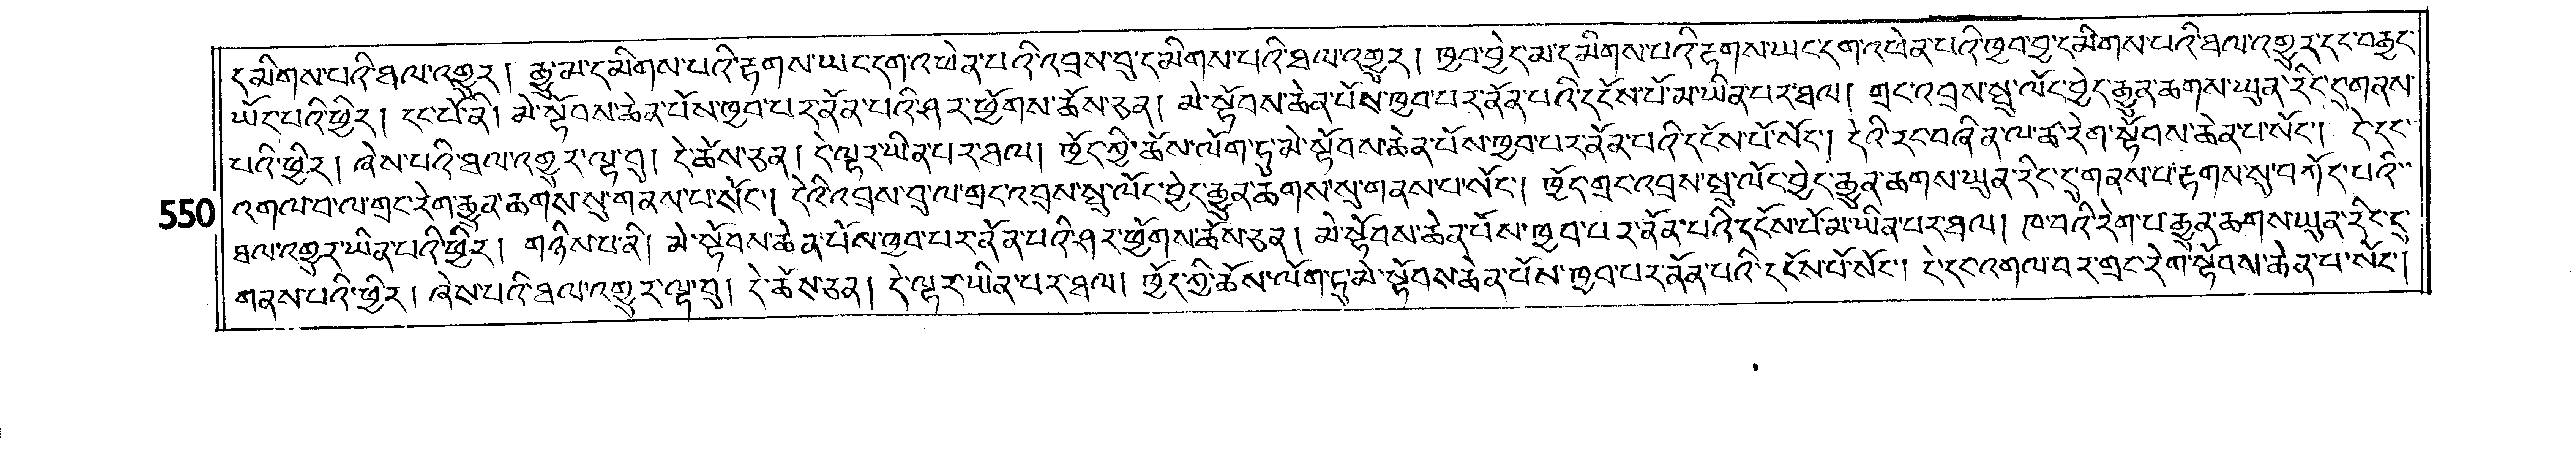དམིགས་པའི་ཐལ་འགྱུར། རྒྱུ་མ་དམིགས་པའི་རྟགས་ཡང་དག་འཕེན་པའི་འབྲས་བུ་དམིགས་པའི་ཐལ་འགྱུར། ཁྱབ་བྱེད་མ་དམིགས་པའི་རྟགས་ཡང་དག་འཕེན་པའི་ཁྱབ་བྱ་དམིགས་པའི་ཐལ་འགྱུར་དང་བརྒྱང་
ཡོང་པའི་ཕྱིར། དང་པོ་ནི། མེ་སྟོབས་ཆེན་པོས་ཁྱབ་པར་ནོན་པའི་ཤར་ཕྱོགས་ཆོས་ཅན། མེ་སྟོབས་ཆེན་པོས་ཁྱབ་པར་ནོན་པའི་དངོས་པོ་མ་ཡིན་པར་ཐལ། གྲང་འབྲས་སྤུ་ལོང་བྱེད་རྒྱུན་ཆགས་ཡུན་རིང་དུ་གནས་
པའི་ཕྱིར། ཞེས་པའི་ཐལ་འགྱུར་ལྟ་བུ། དེ་ཆོས་ཅན། དེ་ལྟར་ཡིན་པར་ཐལ། ཁྱོད་ཀྱི་ཆོས་ལོག་ཏུ་མེ་སྟོབས་ཆེན་པོས་ཁྱབ་པར་ནོན་པའི་དངོས་པོ་སོང་། དེའི་རང་བཞིན་ལ་ཚ་རེག་སྟོབས་ཆེན་པ་སོང་། དེ་དང་
འགལ་བ་ལ་གྲང་རེག་རྒྱུན་ཆགས་སུ་གནས་པ་སོང་། དེའི་འབྲས་བུ་ལ་གྲང་འབྲས་སྤུ་ལོང་བྱེད་རྒྱུན་ཆགས་སུ་གནས་པ་སོང་། ཁྱོད་གྲང་འབྲས་སྤུ་ལོང་བྱེད་རྒྱུན་ཆགས་ཡུན་རིང་དུ་གནས་པ་རྟགས་སུ་བཀོད་པའི་
ཐལ་འགྱུར་ཡིན་པའི་ཕྱིར། གཉིས་པ་ནི། མེ་སྟོབས་ཆེན་པོས་ཁྱབ་པར་ནོན་པའི་ཤར་ཕྱོགས་ཆོས་ཅན། མེ་སྟོབས་ཆེན་པོས་ཁྱབ་པར་ནོན་པའི་དངོས་པོ་མ་ཡིན་པར་ཐལ། ཁ་བའི་རེག་པ་རྒྱུན་ཆགས་ཡུན་རིང་དུ་
གནས་པའི་ཕྱིར། ཞེས་པའི་ཐལ་འགྱུར་ལྟ་བུ། དེ་ཆོས་ཅན། དེ་ལྟར་ཡིན་པར་ཐལ། ཁྱོད་ཀྱི་ཆོས་ལོག་ཏུ་མེ་སྟོབས་ཆེན་པོས་ཁྱབ་པར་ནོན་པའི་དངོས་པོ་སོང་། དེ་དང་འགལ་བར་གྲང་རེག་སྟོབས་ཆེན་པ་སོང་